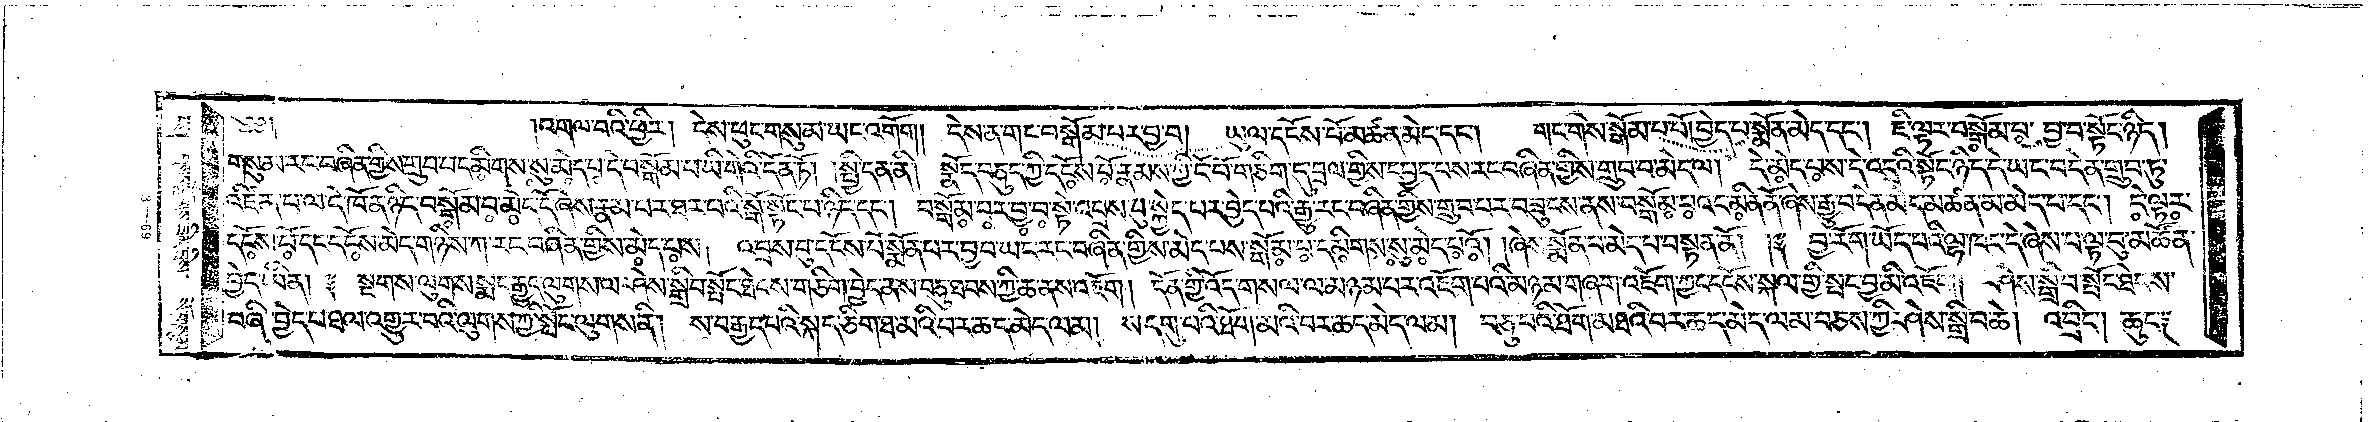༄༅། །འགལ་བའི་ཕྱིར། དེས་ཕུང་གསུམ་ཡང་འགོག། དེས་ན་གང་བསྒོམ་ཡུལ་དངོས་པོ་མཚན་མེད་དང་།  པར་བྱ་བ། གང་གིས་སྒོམ་བྱེད་པ་སྨོན་མེད་དང་།  པ་པོ། ཇི་ལྟར་བསྒོམ་པ྾་བྱ་བ་སྟོང་ཉིད། ྾་
གསུམ་རང་བཞིན་གྱིས་གྲུབ་པ་དམིགས྾་སུ྾་མེད྾་པ྾་དེ་བསྒོམ་པ་ཡི་གེའི་དོན་ཏོ། །སྤྱི་དན་ནི། སྣོད་བཅུད་ཀྱི་དངོས྾་པོ྾་རྣམས་ཀྱི་ངོ་བོ་གཅིག་དུ་བྲལ་གྱིས་དཔྱད་པས་རང་བཞིན་གྱིས་གྲུབ་བ་མེད་ལ། དེ་མེད྾་པས྾་དེ་འདྲའི་སྟོང་ཉིད་དེ་ཡང་བདེན་གྲུབ་ཏུ་
འཛིན་པ་ལ་དེ་ཁོ་ན་ཉིད་བསྒོམ྾་པ྾་མེད྾་དོ་ཞེས་རྣམ་པར་ཐར་པའི་སྒོ་སྟོང་པ་ཉིད་དང་། བསྒོམ྾་པར྾་བྱ྾་བ྾་སྟེ་འབྲས་བུ་སྐྱེད་པར་བྱེད་པའི་རྒྱུ་རང་བཞིན་གྱིས་གྲུབ་པར་བཟུངས་ནས་བསྒོམ྾་པའང྾་མིན྾་ནོ་ཞེས་རྒྱུ་བདེན་མེད་མཚན་མ་མེད་པ་དང་། དེ་ལྟར྾་
དངོས྾་པོ྾་དང་དངོས྾་མེད་གཉིས་ཀ་རང་བཞིན་གྱིས་མེད྾་པས྾། འབྲས་བུ་དངོས་པོ་སྨོན་པར་བྱ་བ་ཡང་རང་བཞིན་གྱིས་མེད་པས་སྒོམ྾་པ྾་དམིགས྾་སུ་མེད྾་པ྾འོ྾། །ཞེས་སྨོན་པ་མེད་པ་བསྟན་ནོ། །༈ བྱ་རོག་ཡོད་པའི་ལྷ་ཁང་དེ་ཞེས་པ་ལྟ་བུ་མཚན་
བྱེད་ཡིན། ༈ སྔགས་ལུགས་སྨང་རྒྱུད་ལུགས་ལ་ཤེས་སྒྲིབ་སྤོང་ཐེངས་གཅིག་བྱེད་ནས་བཅུ་ཐབས་ཀྱི་ཆ་ནས་འཇོག། དོན་གྱི་འོད་གསལ་ལ་མཉམ་པར་འཇོག་པའི་མཉམ་གཞག་འཇོག་ཀྱང་དངོས་སྐལ་གྱི་སྤང་བྱ་མི་འཇོག། ཤེས་སྒྲིབ་སྤོང་ཐེངས་
བཞི་བྱེད་པ་ཐལ་འགྱུར་བའི་ལུགས་ཀྱི་སྤོང་ལུགས་ནི། ས་བརྒྱད་པའི་སྐད་ཅིག་ཐ་མའི་བར་ཆད་མེད་ལམ། ས་དགུ་པའི་ཐོག་མའི་བར་ཆད་མེད་ལམ། བཅུ་པའི་ཐོག་མཐའི་བར་ཆད་མེད་ལམ་བཅས་ཀྱི་ཤེས་སྒྲིབ་ཆེ། འབྲིང་། ཆུང༑